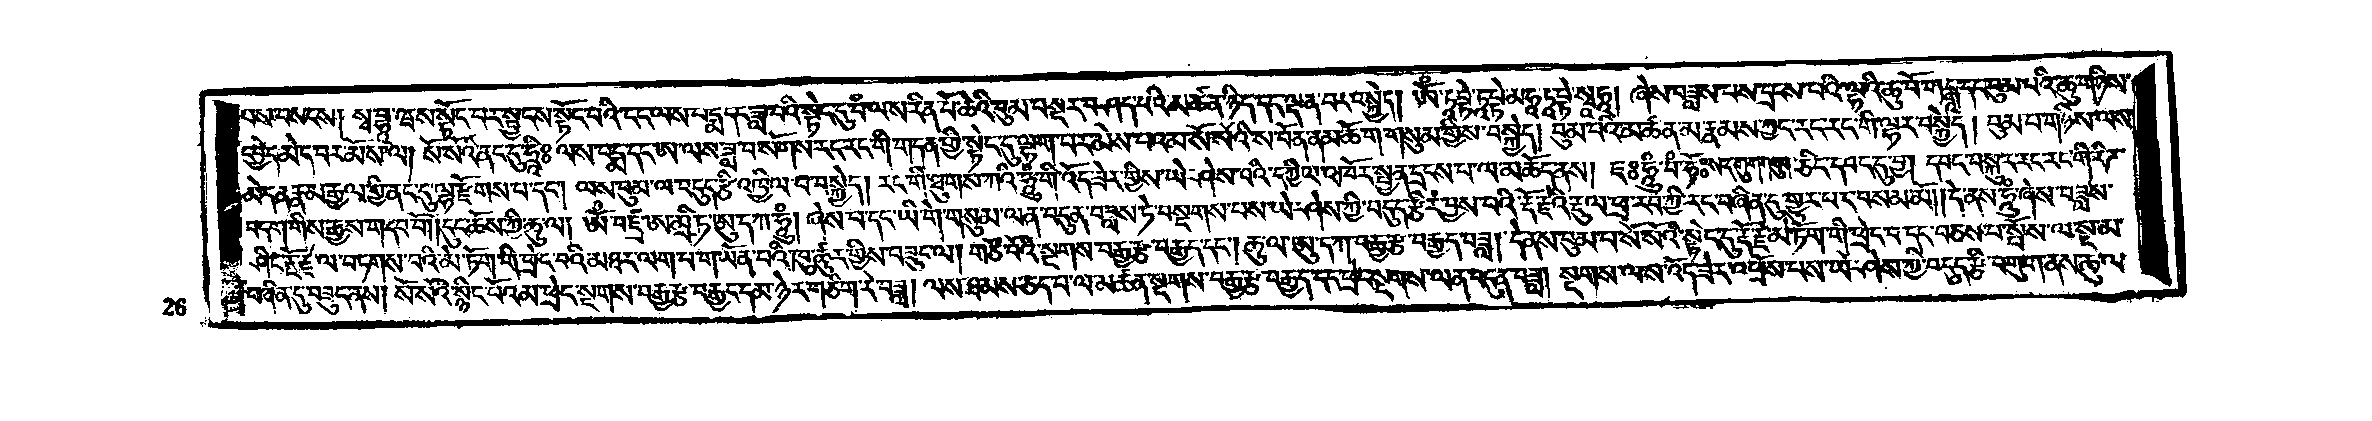པས་བསངས། སྭ་བྷཱ་ཝས་སྟོང་པར་སྦྱངས་སྟོང་པའི་ངང་ལས་པདམ་དང་ཟླ་བའི་སྟེང་དུ་བཾ་ལས་རིན་པོ་ཆེའི་བུམ་བསྔར་བཤད་པའི་མཚན་ཉིད་དང་ལྡན་པར་བསྐྱེད། ཨོཾ་ཏཱ་བཏེ་ཏཱ་པྟེ་མཧཱ་ཏཱབཏེ་སྭཱཧཱ། ཞེས་བཟླས་པས་དྲངས་པའི་ལྷའི་ཆུ་བོ་གངགཱ་དང་བུམ་པའི་ཆུ་གཉིས་
དབྱེད་མེད་པར་མོས་ལ། སོ་སོའི་ནང་དུ་ཧྲཱིཿ ལས་པདམ་དང་ཨ་ལས་ཟླ་བ་སོགས་རང་རང་གི་གདན་གྱི་སྟེང་དུ་ལྷག་པར་མེས་པའམ་སོ་སོའི་ས་བོན་ནམ་ཆོ་ག་གསུམ་གྱིས་བསྐྱེད། བུམ་པའི་མཚན་མ་རྣམས་ཀྱང་རང་རང་གི་ལྷར་བསྐྱེད། བུམ་པ་གཉིས་ལས་
མེད་ན་རྣམ་རྒྱལ་གྱི་ནང་དུ་ལྷ་རྫོགས་པ་དང་། ལས་བུམ་ལ་བདུད་རྩི་འཁྱིལ་བ་བསྐྱེད། རང་གི་ཐུགས་ཀའི་ཧཱུཾ་གི་འོད་ཟེར་གྱིས་ཡེ་ཤེས་པའི་དཀྱིལ་འཁོར་སྤྱན་དྲངས་པ་ལ་མཆོད་ནས། ཇཿ ཧཱུཾ་བཾ་ཧོཿ ས་དགུག་གཞུག་ཅིང་དབང་དུ་བྱ། དབང་བསྐུར་རང་རང་གི་རིགས་
བདག་གིས་རྒྱས་གདབ་བོ། །དུང་ཆོས་ཀྱི་ཆུ་ལ། ཨོཾ་བྫྲ་ཨ་མྲི་ཏ་ཨུ་ད་ཀ་ཧཱུཾ། ཞེས་པ་དང་ཡི་གེ་གསུམ་ལན་བདུན་བཟླས་ཏེ་བསྔགས་པས་ཡེ་ཤེས་ཀྱི་བདུད་རྩི་རཾ་བྱས་པའི་རྡོ་རྗེའི་རྡུལ་ཕྲ་རབ་ཀྱི་རང་བཞིན་དུ་གྱུར་པར་བསམ་མོ། །དེ་ནས་ཧཱུཾ་ཞེས་བཟླས་
ཤིང་རྡོ་རྗེ་ལ་བཏགས་པའི་མེ་ཏོག་གི་ཕྲེང་བའི་མཐར་ལག་པ་གཡོན་པའི་ཁུ་ཚུར་གྱིས་བཟུང་ལ། གཙོ་བོའི་སྔགས་བརྒྱ་རྩ་བརྒྱད་དང་། ཆུ་ལ་ཨུ་ད་ཀ་བརྒྱ་རྩ་བརྒྱད་བཟླ། དེ་ནས་བུམ་པ་སོ་སོའི་སྟེང་དུ་རྡོ་རྗེ་མེ་ཏོག་གི་ཕྲེང་བ་དང་བཅས་པ་སྤོས་ལ་སྔ་མ་
བཞིན་དུ་བཟུང་ནས། སོ་སོའི་སྙིང་པོའམ་ཕྲེང་སྔགས་བརྒྱ་རྩ་བརྒྱད་དམ་ཉེར་གཅིག་རེ་བཟླ། ལས་ཐམས་ཅད་པ་ལ་མཚན་སྔགས་བརྒྱ་རྩ་བརྒྱད་དང་ཕྲེང་སྔགས་ལན་བདུན་བཟླ། སྔགས་ལས་འོད་ཟེར་འཕྲོས་པས་ཡེ་ཤེས་ཀྱི་བདུད་རྩི་བགུག་ནས་ཆུ་ལ་